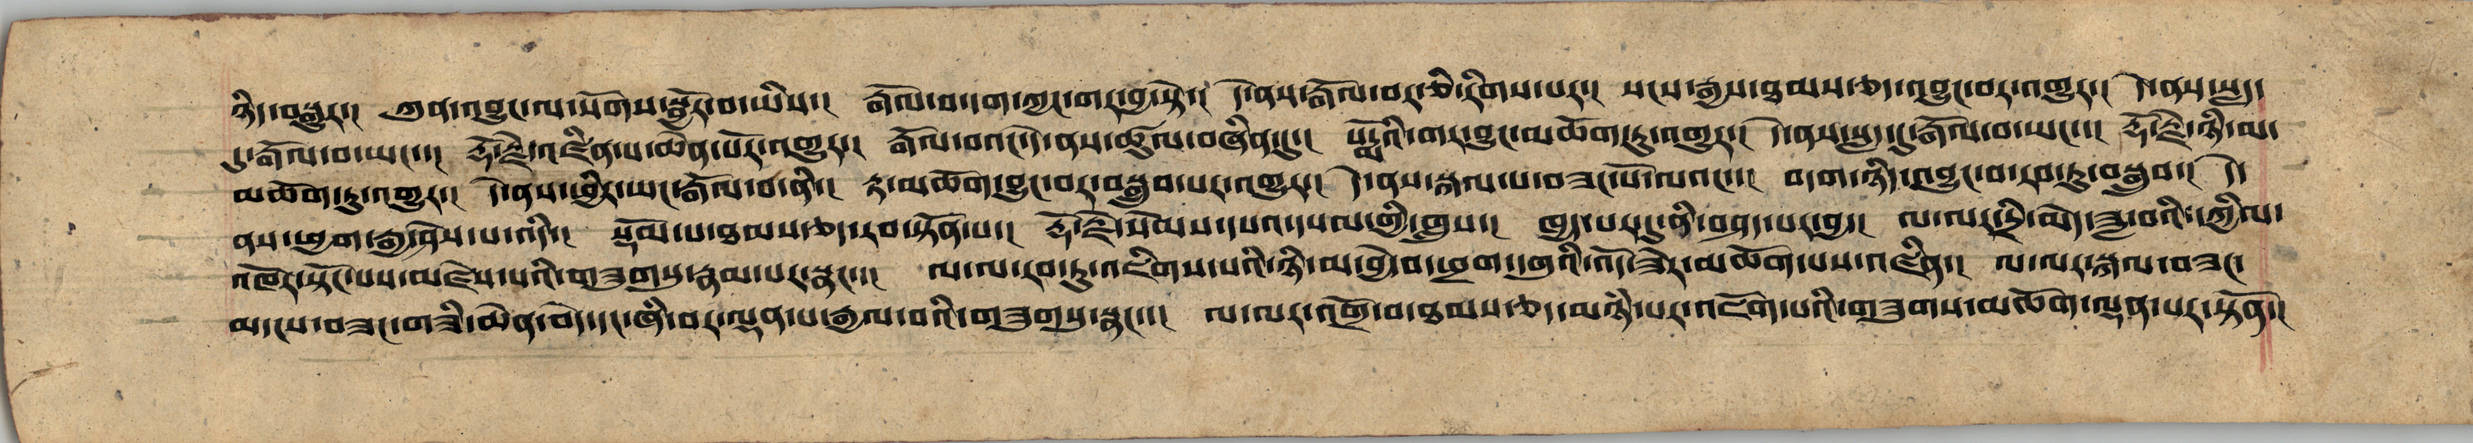ཉིད་བསྒྱུར་། ཀུན་འབྱུང་ལ་སོགས་སྦྱོར་བ་ཡིས་། རྒོལ་བ་དག་ཀྱང་གར་བྱ་སྟེ་། དེ་ནས་རྒོལ་བར་ཅི་རིགས་པར་། སངས་རྒྱས་ཐམས་ཅད་འབྱུང་བར་འགྱུར་། དེ་ནས་སླད་
དུ་རྒོལ་བ་ཡང་་། རྡོ་རྗེ་འཛིན་པ་ཆེན་པོར་འགྱུར་། རྒོལ་བའང་དེ་ནས་ཚུལ་བཞིན་དུ་། པདྨོའི་གར་བྱུང་མཆོག་ཏུ་འགྱུར་། དེ་ནས་སླད་དུ་རྒོལ་བ་ཡང་་། རྡོ་རྗེ་ཉི་མ་
མཆོག་ཏུ་འགྱུར་། དེ་ནས་ཕྱིར་ཡང་རྒོལ་བ་ནི་། རྟ་མཆོག་བྱུང་བར་བསྒྲུབ་པར་འགྱུར་། དེ་ནས་སྐལ་པ་བཟང་པོ་ལའང་་། བདག་ཉིད་འབྱུང་བ་རབ་ཏུ་བསྒྲུབ་། དེ་
ནས་ཕྱག་རྒྱ་ཤེས་པ་འདི་། སྡོམ་པ་ཐམས་ཅད་རབ་སྟོན་པ་། རྡོ་རྗེ་སེམས་དཔའ་དཔལ་གྱི་གླུས་། ཁྱད་པར་དུ་ནི་བཤད་པར་བྱ་། ལ་ལ་དྲི་མེད་ཟླ་བའི་དཀྱིལ་
འཁོར་སྟོང་པས་མཛེས་པའི་གཟུགསུ་རྣམ་པར་སྣང་་། ལ་ལ་རབ་ཏུ་འཇིགས་པའི་ཉི་མ་བྱེ་བ་ཕྲག་དགུའི་འོད་ཟེར་མཆོག་པས་འཛིན་། ལ་ལར་སྐལ་བཟང་
མདངས་བཟང་གཟི་ཆེན་བདེ་དང་ཞི་བར་ལྡན་པ་རྒྱལ་བའི་གཟུགསུ་སྣང་་། ལ་ལར་འགྲོ་བ་ཐམས་ཅད་མཉཾ་པར་འཇོག་པའི་གཟུགས་མཆོག་ལྡན་པར་སྟོན་།